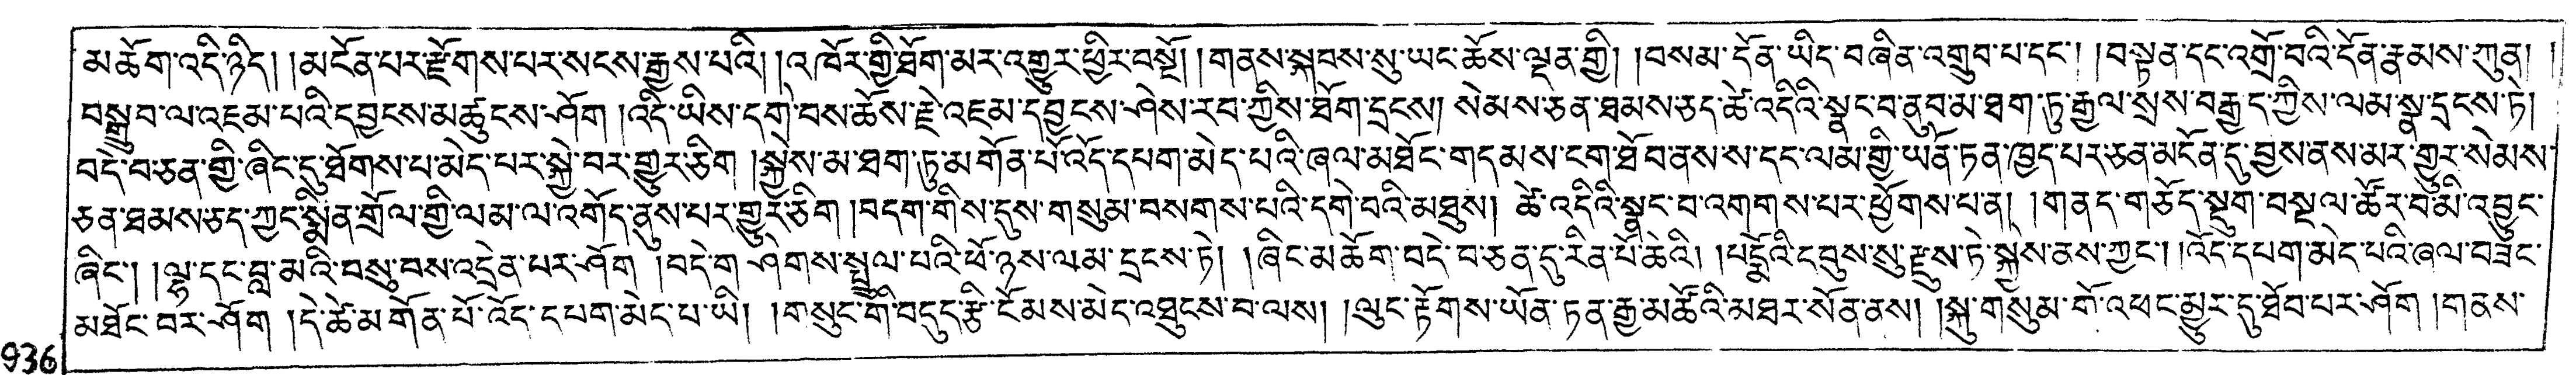མཆོག་འདི་ཉིད། །མངོན་པར་རྫོགས་པར་སངས་རྒྱས་པའི། །འཁོར་གྱི་ཐོག་མར་འགྱུར་ཕྱིར་བསྔོ། །གནས་སྐབས་སུ་ཡང་ཆོས་ལྡན་གྱི། །བསམ་དོན་ཡིད་བཞིན་འགྲུབ་པ་དང་། །བསྟན་དང་འགྲོ་བའི་དོན་རྣམས་ཀུན།
བསྒྲུབ་ལ་འཇམ་པའི་དབྱངས་མཚུངས་ཤོག །འདི་ཡིས་དགེ་བས་ཆོས་རྗེ་འཇམ་དབྱངས་ཤེས་རབ་ཀྱིས་ཐོག་དྲངས། སེམས་ཅན་ཐམས་ཅད་ཚེ་འདིའི་སྣང་བ་ནུབ་མ་ཐག་ཏུ་རྒྱལ་སྲས་བརྒྱད་ཀྱིས་ལམ་སྣ་དྲངས་ཏེ།
བདེ་བ་ཅན་གྱི་ཞིང་དུ་ཐོགས་པ་མེད་པར་སྐྱེ་བར་གྱུར་ཅིག །སྐྱེས་མ་ཐག་ཏུ་མགོན་པོ་འོད་དཔག་མེད་པའི་ཞལ་མཐོང་གདམས་ངག་ཐོབ་ནས་ས་དང་ལམ་གྱི་ཡོན་ཏན་ཁྱད་པར་ཅན་མངོན་དུ་བྱས་ནས་མར་གྱུར་སེམས་
ཅན་ཐམས་ཅད་ཀྱང་སྨིན་གྲོལ་གྱི་ལམ་ལ་འགོད་ནུས་པར་གྱུར་ཅིག །བདག་གིས་དུས་གསུམ་བསགས་པའི་དགེ་བའི་མཐུས། ཚེ་འདིའི་སྣང་བ་འགགས་པར་ཕྱོགས་པ་ན། །གནད་གཅོད་སྡུག་བསྔལ་ཚོར་བ་མི་འབྱུང་
ཞིང་། །ལྷ་དང་བླ་མའི་བསུ་བས་འདྲེན་པར་ཤོག །བདེ་གཤེགས་སྤྲུལ་པའི་ཕོ་ཉས་ལམ་དྲངས་ཏེ། །ཞིང་མཆོག་བདེ་བ་ཅན་དུ་རིན་པོ་ཆེའི། །པདམོའི་དབུས་སུ་རྫུས་ཏེ་སྐྱེས་ནས་ཀྱང་། །འོད་དཔག་མེད་པའི་ཞལ་བཟང་
མཐོང་བར་ཤོག །དེ་ཚེ་མགོན་པོ་འོད་དཔག་མེད་པ་ཡི། །གསུང་གི་བདུད་རྩི་ངོམས་མེད་འཐུངས་བ་ལས། །ལུང་རྟོགས་ཡོན་ཏན་རྒྱ་མཚོའི་མཐར་སོན་ནས། །སྐུ་གསུམ་གོ་འཕང་མྱུར་དུ་ཐོབ་པར་ཤོག །གནས་